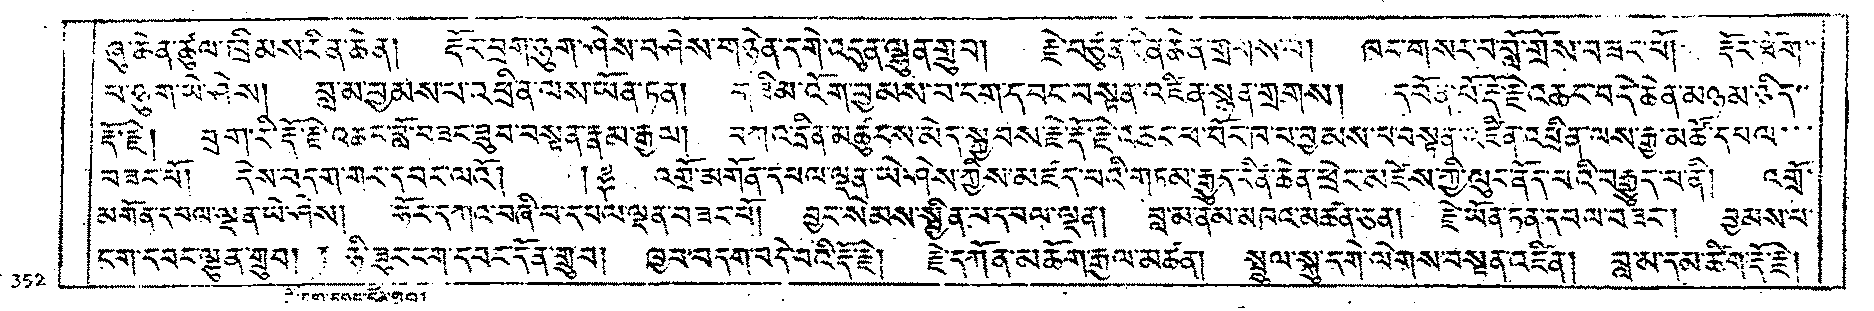ཞུ་ཆེན་ཚུལ་ཁྲིམས་རིན་ཆེན། རྡོར་བྲག་ཉུག་ཤེས་བཤེས་གཉེན་དགེ་འདུན་ལྷུན་གྲུབ། རྗེ་བཙུན་རིན་ཆེན་གྲགས་པ། ཁང་གསར་བ་བློ་གྲོས་བཟང་པོ། རྡོར་ཐོག་
པ་ཉུག་ཡེ་ཤེས། བླ་མ་བྱམས་པ་འཕྲིན་ལས་ཡོན་ཏན། གཟིམ་འོག་བྱམས་པ་ངག་དབང་བསྟན་འཛིན་སྙན་གྲགས། དཔོན་པོ་རྡོ་རྗེ་འཆང་བདེ་ཆེན་མཉམ་ཉིད་
རྡོ་རྗེ། བྲག་རི་རྡོ་རྗེ་འཆང་བློ་བཟང་ཐུབ་བསྟན་རྣམ་རྒྱལ། བཀའ་དྲིན་མཚུངས་མེད་སྐྱབས་རྗེ་རྡོ་རྗེ་འཆང་ཕ་བོང་ཁ་པ་བྱམས་པ་བསྟན་འཛིན་འཕྲིན་ལས་རྒྱ་མཚོ་དཔལ་
བཟང་པོ། དེས་བདག་གར་དབང་ལའོ། ། ༈ འགྲོ་མགོན་དཔལ་ལྡན་ཡེ་ཤེས་ཀྱིས་མཛད་པའི་གཏམ་རྒྱུད་རིན་ཆེན་ཕྲེང་མཛེས་ཀྱི་ལུང་ནོད་པའི་བརྒྱུད་པ་ནི། འགྲོ་
མགོན་དཔལ་ལྡན་ཡེ་ཤེས། ཧོར་དཀའ་བཞི་པ་དཔལ་ལྡན་བཟང་པོ། བྱང་སེམས་སྦྱིན་པ་དཔལ་ལྡན། བླ་མ་ནམ་མཁའ་མཚན་ཅན། རྗེ་ཡོན་ཏན་དཔལ་བཟང་། བྱམས་པ་
ངག་དབང་ལྷུན་གྲུབ། རྗེ་ངག་དབང་དོན་གྲུབ། ཉི་ཟུར་ངག་དབང་དོན་གྲུབ། ཁྱབ་བདག་བདེ་བའི་རྡོ་རྗེ། རྗེ་དཀོན་མཆོག་རྒྱལ་མཚན། སྤྲུལ་སྐུ་དགེ་ལེགས་བསྟན་འཛིན། བླ་མ་དམ་ཚིག་རྡོ་རྗེ།